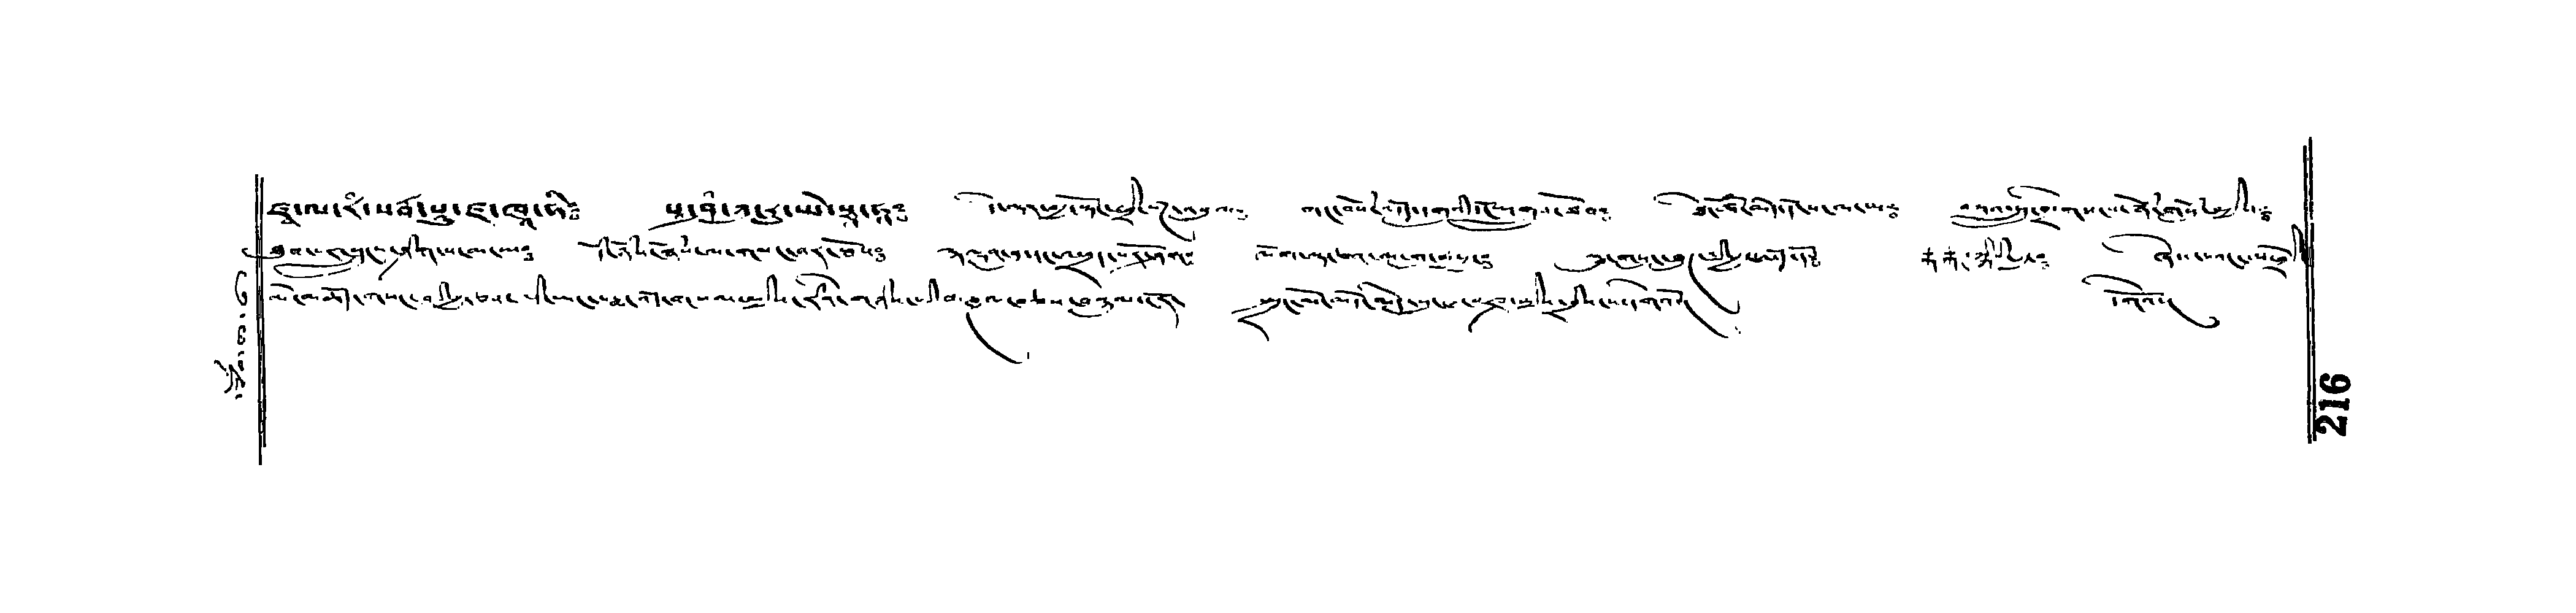ཛྭ་ལ་རཾ་སརྦ་པཱུ་ཛ་ཁཱ་ཧི༔ པཱ་ཤཾ་ཀུ་རུ་ཡེ་སྭཱ་ཧཱ༔ དེ་ལྟར་བརྒྱ་སྟོང་ཁྲི་སོགས་འབུལ༔ གང་བསམ་འདོད་དགུའི་དངོས་གྲུབ་ཐོབ༔ ཐེ་ཚོམ་མེད་དོ་ས་མ་ཡ༔ བཀའ་སྲུང་དྲེགས་པ་རྣམ་གསུམ་གྱིས༔ 
ཐུབ་པར་སྲུངས་ཤིག་ས་མ་ཡ༔ དམ་ཉམས་རྣམས་ལ་གསང་བར་སྦོས༔ སྐལ་ལྡན་བུ་དང་འཕྲད་པར་ཤོག༔ ལོག་ལྟ་ཅན་ལ་གུ་ཧྱ་རྒྱ༔ སྐུ་གསུང་ཐུགས་ཀྱི་རྒྱ་ཡོད་དོ༔ ཌཱཀྐིའི་རྒྱ༔ ཞེས་པའང་མཁའ་འགྲོའི་
མེ་མཆོད་གསང་བའི་རྒྱ་ཅན་འདི་ཡང་པདྨ་འོད་གསལ་གྱིས་རིན་ཆེན་གཉིས་པའི་མཎྜལ་བཅས་བསྐུལ་ངོར། སྤྲང་མོ་མདོ་མེད་སུ་ཁ་བཛྲ་གྱིས་བྲིས་པ་དགེའོ།།